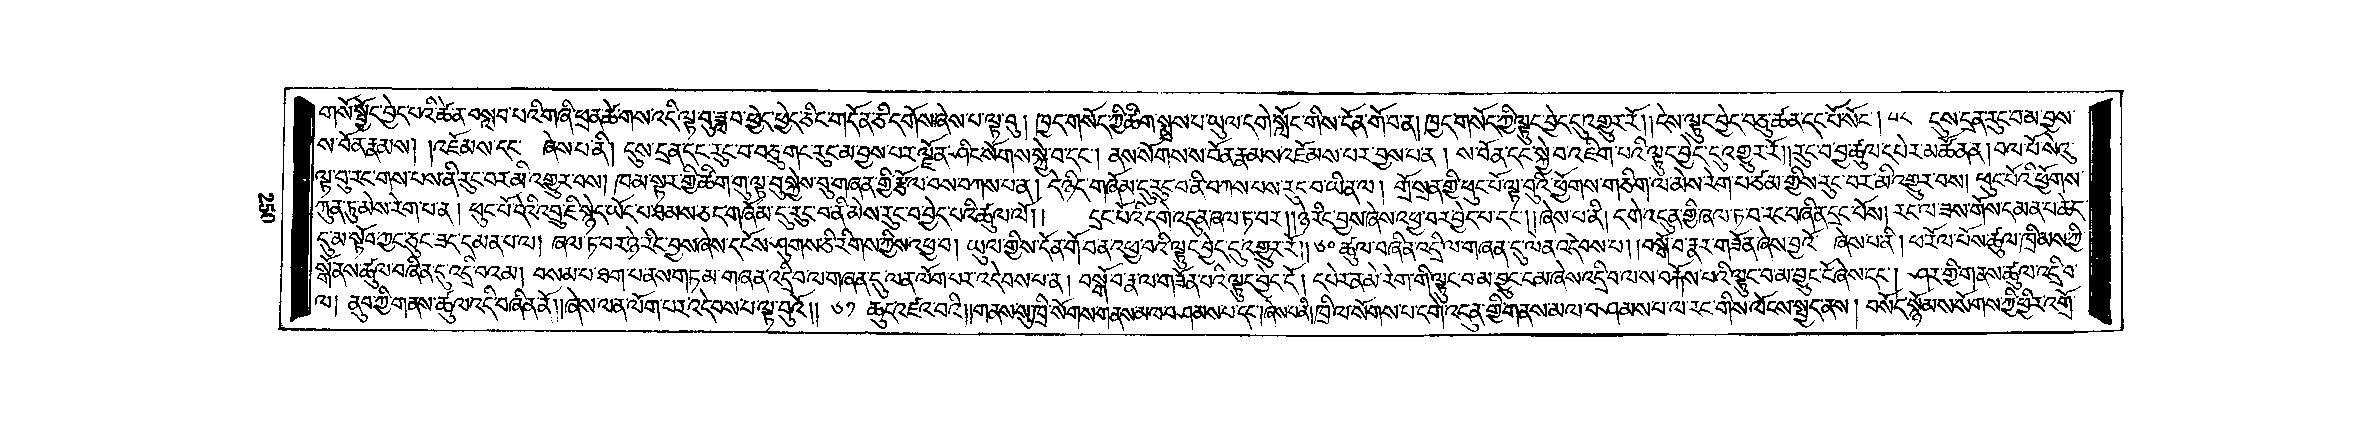གསོ་སྦྱོང་བྱེད་པའི་ཚེ་ན་བསླབ་པའི་གཞི་ཕྲན་ཚེགས་འདི་ལྟ་བུ་ཟླ་བ་ཕྱེད་ཕྱེད་ཅིང་གདོན་ཅི་དགོས་ཞེས་པ་ལྟ་བུ། ཁྱད་གསོད་ཀྱི་ཚིག་སྨྲས་པ་ཡུལ་དགེ་སློང་གིས་དོན་གོ་བ་ན། ཁྱད་གསོད་ཀྱི་ལྟུང་བྱེད་དུ་འགྱུར་རོ། །ངེས་ལྟུང་བྱེད་བཅུ་ཚན་དང་པོ་སོང་། དུས་དྲན་རུང་བ་མ་བྱས་
ས་བོན་རྣམས། །འཇོམས་དང་ཞེས་པ་ནི། དུས་དྲན་དང་རུང་བ་བཅུ་གང་རུང་མ་བྱས་པར་ལྗོན་ཤིང་སོགས་སྐྱེ་བ་དང་། ནས་སོགས་ས་བོན་རྣམས་འཇོམས་པར་བྱས་པ་ན། ས་བོན་དང་སྐྱེ་བ་འཇིག་པའི་ལྟུང་བྱེད་དུ་འགྱུར་རོ། །རུང་བ་བྱ་ཚུལ་དཔེར་མཚོན་ན། བལ་པོ་སེའུ་
ལྟ་བུ་རང་གས་པས་ནི་རུང་བར་མི་འགྱུར་བས། ཁམ་སྟར་གྱི་ཚིག་གུ་ལྟ་བུ་སྐྱེས་བུ་གཞན་གྱི་རྩོལ་བས་བཀས་པ་ན། དེ་ཉིད་གཞོམ་དུ་རུང་བ་ནི་བཀས་པས་རུང་བ་ཡིན་ལ། གྲོ་སྲན་གྱི་ཕུང་པོ་ལྟ་བུའི་ཕྱོགས་གཅིག་ལ་མེས་རེག་པ་ཙམ་གྱིས་རུང་བར་མི་འགྱུར་བས། ཕུང་པོའི་ཕྱོགས་
ཀུན་ཏུ་མེས་རེག་པ་ན། ཕུང་པོ་དེའི་འབྲུ་ཇི་སྙེད་ཡོད་པ་ཐམས་ཅད་གཞོམ་དུ་རུང་བ་ནི་མེས་རུང་བ་བྱེད་པའི་ཚུལ་ལོ། །དྲང་པོའི་དགེ་འདུན་ཞལ་ཏ་བར། །ཉེ་རིང་བྱས་ཞེས་འཕྱ་བར་བྱེད་པ་དང་། །ཞེས་པ་ནི། དགེ་འདུན་གྱི་ཞལ་ཏ་བ་རང་བཞིན་དྲང་པོས། རང་ལ་ཟས་གོས་དམན་པ་ཆེད་
དུ་མ་སྟོབ་ཀྱང་ཅུང་ཟད་དམན་པ་ལ། ཞལ་ཏ་བར་ཉེ་རིང་བྱས་ཞེས་དངོས་ཤུགས་ཅི་རིགས་ཀྱིས་འཕྱ་བ། ཡུལ་གྱིས་དོན་གོ་བ་ན་འཕྱ་བའི་ལྟུང་བྱེད་དུ་འགྱུར་རོ། །ཚུལ་བཞིན་འདྲི་ལ་གཞན་དུ་ལེན་འདེབས་པ། །བསྒོ་བ་རྣར་གཟོན་ཞེས་བྱའོ་ཞེས་པ་ནི། ཕ་རོལ་པོས་ཚུལ་ཁྲིམས་ཀྱི་
སྒོ་ནས་ཚུལ་བཞིན་དུ་འདྲི་བའམ། བསམ་པ་ཐག་པ་ནས་གཏམ་གཞན་འདྲི་བ་ལ་གཞན་དུ་ལན་ལོག་པར་འདེབས་པ་ན། བསྒོ་བ་རྣ་ལ་གཟོན་པའི་ལྟུང་བྱེད་དོ། དཔེར་ན་མེ་རེག་གི་ལྟུང་བ་མ་བྱུང་ངམ་ཞེས་འདྲི་བ་ལས་བརྐོས་པའི་ལྟུང་བ་མ་བྱུང་ངོ་ཞེས་དང་། ཤར་གྱི་གནས་ཚུལ་འདྲི་བ་
ལ། ནུབ་ཀྱི་གནས་ཚུལ་འདི་བཞིན་ནོ། །ཞེས་ལན་ལོག་པར་འདེབས་པ་ལྟ་བུའོ། །ཆུད་འཛའ་བའི། །གནས་སུ་ཁྲི་སོགས་གནས་མལ་བཤམས་པ་དང་། ཞེས་པ་ནི། ཁྲི་ལ་སོགས་པ་དགེ་འདུན་གྱི་གནས་མལ་བཤམས་པ་ལ་རང་གིས་ལོངས་སྤྱད་ནས། བསོད་སྙོམས་སོགས་ཀྱི་ཕྱིར་འགྲོ་